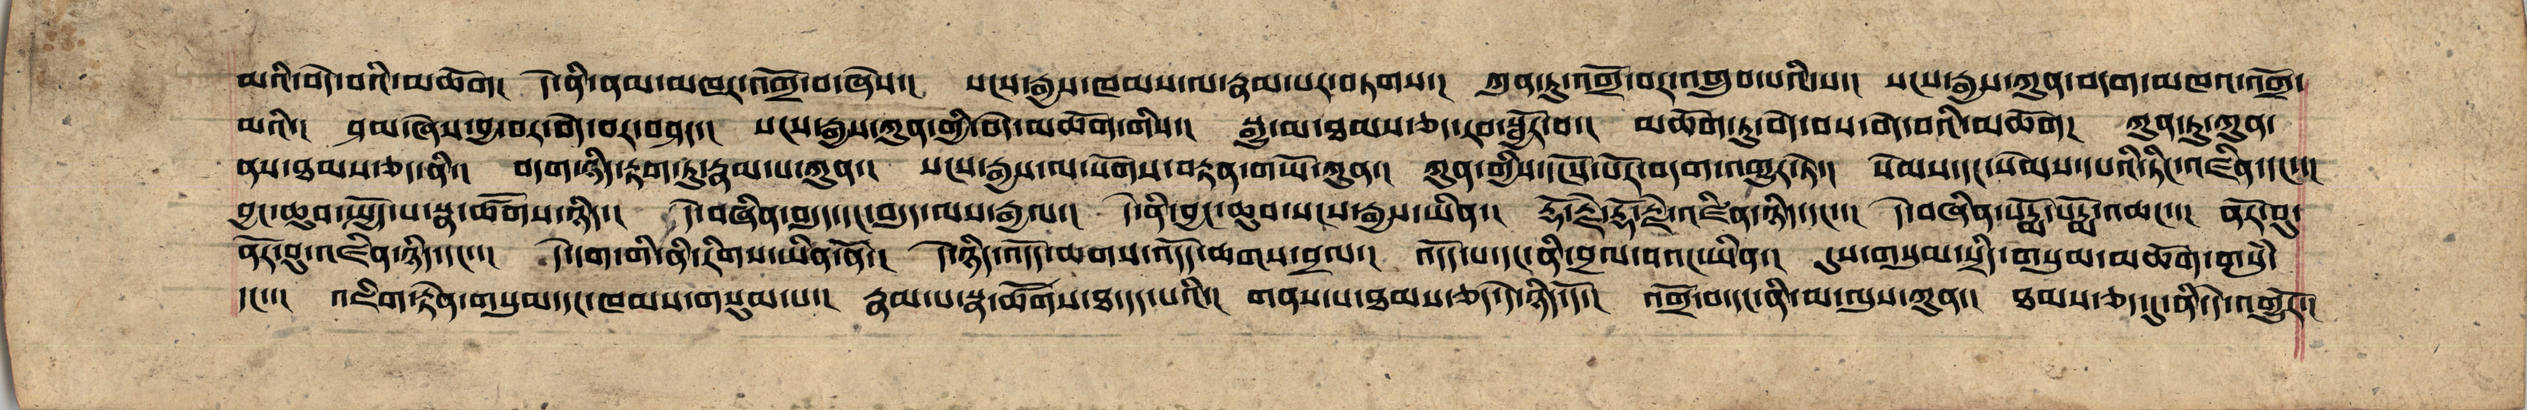མའི་བདེ་བའི་མཆོག། དེ་ནི་ནམ་མཁར་འགྲོ་བ་ཞེས་། སངས་རྒྱས་ཁམས་ལ་རྣམ་པར་བཏགས་། ཀུན་ཏུ་འགྲོ་བར་འགྲུབ་པའི་ས་། སངས་རྒྱས་ཀུན་བདག་མཁའ་འགྲོ་
མའི་། ཤམ་ཞེས་བྱ་བར་བདེ་བར་བཤད་། སངས་རྒྱས་ཀུན་གྱི་བདེ་མཆོག་གིས་། སྒྱུ་མ་ཐམས་ཅད་རབ་སྦྱོར་བ་། མཆོག་ཏུ་བདེ་བས་བདེ་བའི་མཆོག། ཀུན་ཏུ་ཀུན་
ནས་ཐམས་ཅད་ནི་། བདག་ཉིད་རྟག་ཏུ་རྣམ་པ་ཀུན་། སངས་རྒྱས་ལ་སོགས་བརྟན་གཡོ་ཀུན་། ཀུན་གྱིས་དངོས་པོར་བདག་འགྱུར་ཏེ་། སེམས་དང་སེམས་དཔའི་ཏིང་འཛིན་དང་་།
བྱང་ཆུབ་སྤྱོད་པ་སྣ་ཚོགས་ཉིད་། དེ་བཞིན་བདུད་དང་བདུད་ལས་རྒྱལ་། དེ་ནི་བྱང་ཆུབ་སངས་རྒྱས་ཡིན་། རྡོ་རྗེ་རྡོ་རྗེ་འཛིན་ཉིད་དང་་། དེ་བཞིན་པདྨོ་པདྨོ་འཆང་་། ནོར་བུ་
ནོར་བུ་འཛིན་ཉིད་དང་་། དེ་དག་གི་ནི་རིགས་ཡིན་ནོ་། དེ་ཉིད་འདོད་ཆགས་འདོད་ཆགས་བྲལ་། འདོད་པ་དང་ནི་བྲལ་བའང་ཡིན་། དུས་གསུམ་སྲིད་གསུམ་མཆོག་གསུཾ་
དང་་། འཇིག་རྟེན་གསུམ་དང་ཁམས་གསུམ་པ་། རྣམ་པ་སྣ་ཚོགས་ཐ་དད་པའི་། གནས་པ་ཐམས་ཅད་དེ་ཉིད་དོ་། འགྲོ་བ་དང་ནི་མ་ལུས་ཀུན་། ཐམས་ཅད་དུ་ནི་དེ་འགྱུརོ་།